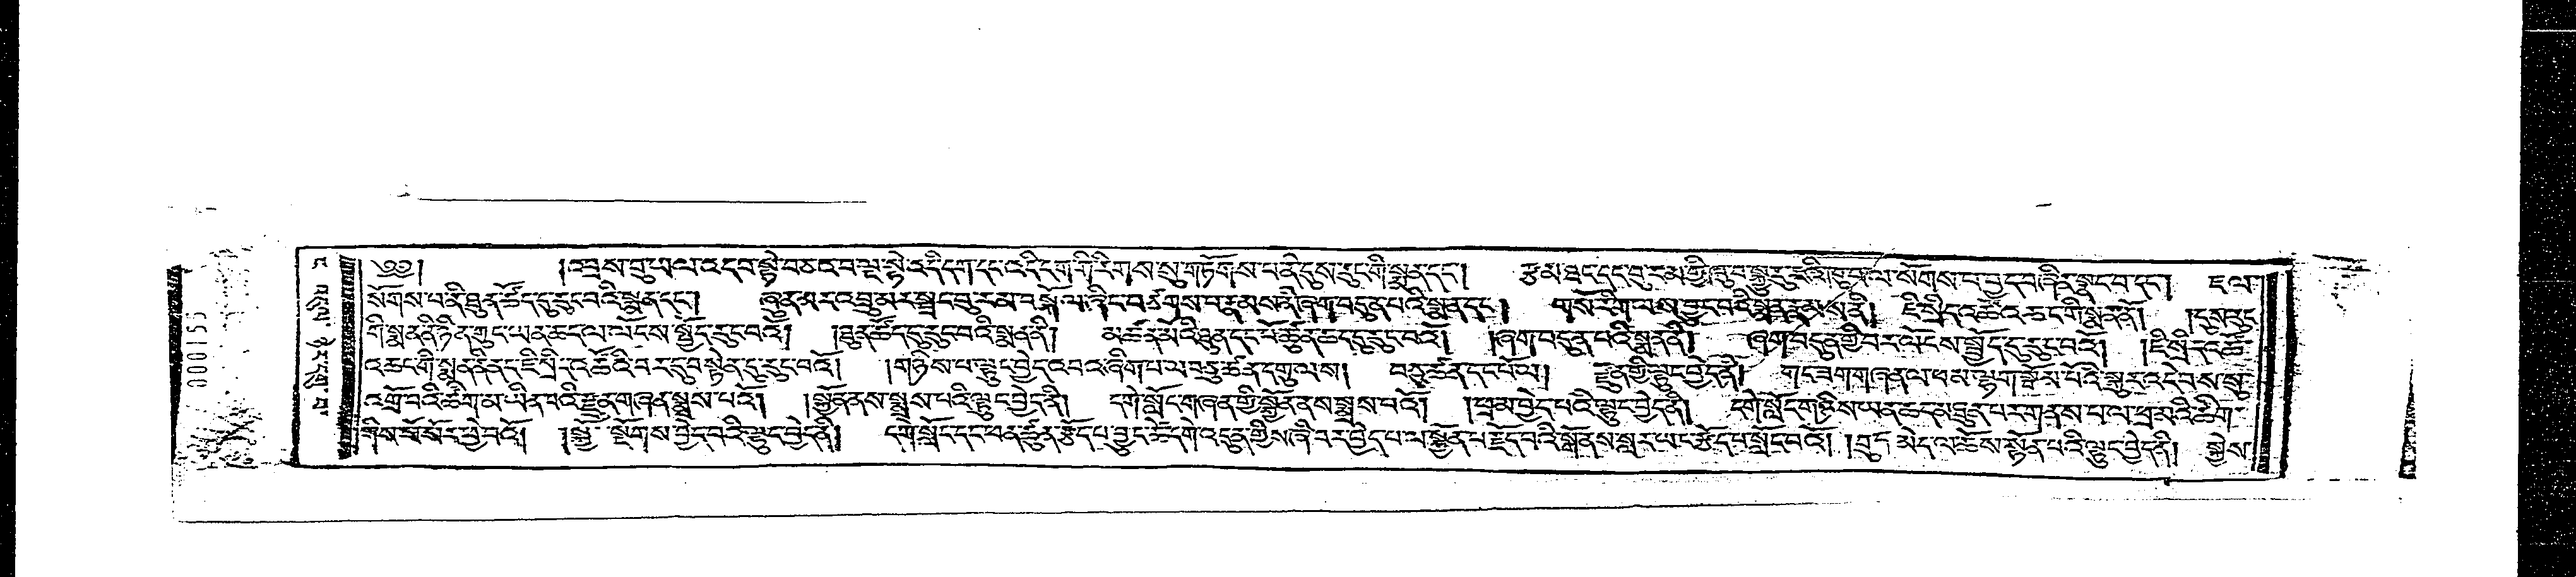༄༅། །འབྲས་བུ་ཡལ་འདབ་སྟེ་བཅའ་བ་ལྔ་སྟེ་འདི་དག་དང་འདི་དག་གི་རིགས་སུ་གཏོགས་པ་ནི་དུས་རུང་གི་སྨན་དང་། རྩམ་ཐང་དང་བུ་རམ་གྱི་ཁུ་བ་སྐྱུ་རུ་རའི་ཁུ་བ་ལ་སོགས་པ་བྱད་བཞིན་སྣང་བ་དང་། ཇལ་
སོགས་པ་ནི་ཐུན་ཚོད་དུ་རུང་བའི་སྨན་དང་། ཞུན་མར་འབྲུ་མར་སྦྲང་བུ་རམ་བསྐོལ་ཞིང་བཙགས་པ་རྣམས་ནི་ཞག་བདུན་པའི་སྨན་དང་། གསོ་རིག་ལས་བྱུང་བའི་སྨན་རྣམས་ནི། ཇི་སྲིད་འཚོ་འཆང་གི་སྨན་ནོ། །དུས་རུང་
གི་སྨན་ནི་ཉིན་གུང་ཡན་ཆད་ལ་ལོངས་སྤྱོད་རུང་བའོ། །ཐུན་ཚོད་དུ་རུང་བའི་སྨན་ནི། མཚན་མོའི་ཐུན་དང་པོ་ཚུན་ཆད་དུ་རུང་བའོ། །ཞག་བདུན་པའི་སྨན་ནི། ཞག་བདུན་གྱི་བར་ལོངས་སྤྱོད་དུ་རུང་བའོ། །ཇི་སྲིད་འཚོ་
འཆང་གི་སྨན་ནི་ནད་ཇི་སྲིད་འཚོའི་བར་དུ་བསྟེན་དུ་རུང་བའོ། །གཉིས་པ་ལྟུང་བྱེད་འབའ་ཞིག་པ་ལ་བཅུ་ཚན་དགུ་ལས། བཅུ་ཚན་དང་པོ་ལ། རྫུན་གྱི་ལྟུང་བྱེད་ནི། གང་ཟག་གཞན་ལ་ཕམ་ལྷག་སྒོམ་པོའི་སྐུར་འདེབས་སུ་
འགྲོ་བའི་ཚིག་མ་ཡིན་པའི་རྫུན་གཞན་སྨྲས་པའོ། །སྐྱོན་ནས་སྨྲས་པའི་ལྟུང་བྱེད་ནི། དགེ་སློང་གཞན་གྱི་སྐྱོན་ནས་སྨྲས་པའོ། །ཕྲ་མ་བྱེད་པའི་ལྟུང་བྱེད་ནི། དགེ་སློང་གཉིས་ཡན་ཆད་མཐུན་པར་གནས་པ་ལ་ཕྲ་མའི་ཚིག་
གིས་སོ་སོར་ཕྱེ་བའོ། །སྐྱོ་སྔོགས་བྱེད་པའི་ལྟུང་བྱེད་ནི། དགེ་སློང་དང་ཕན་ཚུན་རྩོད་པ་བྱུང་ཚེ་དགེ་འདུན་གྱིས་ཞི་བར་བྱེད་པ་ལ་སྐྱོན་བརྗོད་པའི་སྒོ་ནས་སླར་ཡང་རྩོད་པ་སློང་བའོ། །བུད་མེད་ལ་ཆོས་སྟོན་པའི་ལྟུང་བྱེད་ནི། སྐྱེས་